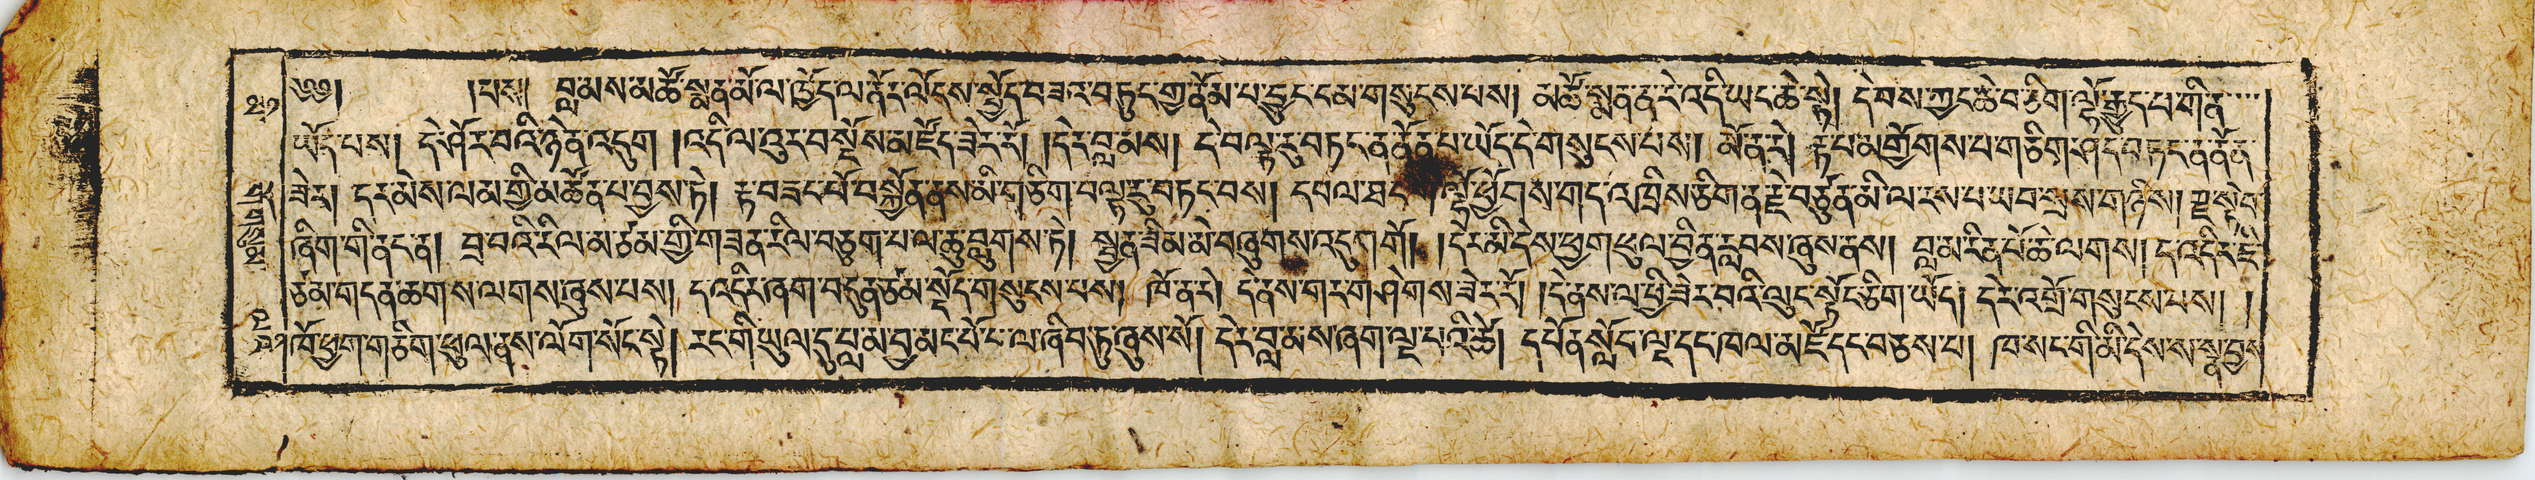པས། བླ མས་མཚོ་སྨན་མོ་ལ་ཁྱོད་ལ་ནོར་ལོངས་སྤྱོད་བཟའ་བཏུང་གྱ་ནོམ་པ་བྱུང་ངམ་གསུངས་པས། མཚོ་སྨན་ན་རེ་འདི་ཡང་ཆེ་སྟེ། དེ བས་ཀྱང་ཆེ་བ་ཅིག་ལྷོ་རྒྱུད་ཕ གི་ན་
ཡོད་པས། དེ་ཤོར་བའི་ཉེན་འདུག །འདི་ལ་འུར་བསྔོས་མཛོད་ཟེར་རོ། །དེར་བླ་མས། དེ་བལྟ་རུ་བཏང་ན་ནོན་པ་ཡོད་དེ་གསུངས་པས། མོ་ན་རེ། རྟ་པ་མགྱོགས་པ་གཅིག་ཤད་བཏང་ན་ནོན་
ཟེར། དར་མེས་ལམ་གྱི་མཚོན་པ་བྱས་ཏེ། རྟ་བཟང་པོ་བསྐྱོན་ནས་མི་གཅིག་བལྟ་རུ་བཏང་བས། དཔལ་ཐང་། ལྷོ་ཕྱོགས་གད་འཁྲིས་ཅིག་ན་རྗེ་བཙུན་མི་ལ་རས་པ་ཡབ་སྲས་གཉིས། རྫ་སྡེབ་
ཅིག་གི་ནང་ན། བྲ་བའི་རིལ་མ་ཙམ་གྱི་གཟན་རིལ་བཅུག་པ་ལ་ཆུ་བླུགས་ཏེ། སྤྱན་ཟིམ་མེ་བཞུགས་འདུག་གོ། །དེར་མི་དེས་ཕྱག་ཕུལ་བྱིན་རླབས་ཞུས་ནས། བླ་མ་རིན་པོ་ཆེ་ལགས། ད་འདིར་ཇི་
ཙམ་གདན་ཆག་ས་ལགས་ཞུས་པས། ད་འདིར་ཞག་བདུན་ཙམ་སྡོད་གསུངས་པས། ཁོ་ན་རེ། དེ་ནས་གར་གཤེགས་ཟེར་རོ། །དེ་ནས་ལ་ཕྱི་ཟེར་བའི་ལུང་སྟོང་ཅིག་ཡོད། དེར་འགྲོ་གསུངས་པས། །
ཁོ་ཕྱག་གཅིག་ཕུལ་ནས་ལོག་སོང་སྟེ། རང་གི་ཡུལ་དུ་བླ་མ་བྱ་མང་པོ་ལ་ཞིབ་ཏུ་ཞུས་སོ། དེར་བླ་མས་ཞག་ལྔ་པའི་ཚེ། དཔོན་སློབ་ལྔ་དང་ཁལ་མཛོ་དང་བཅས་པ། ཁ་སང་གི་མི་དེས་ས་སྣ་བྱས་